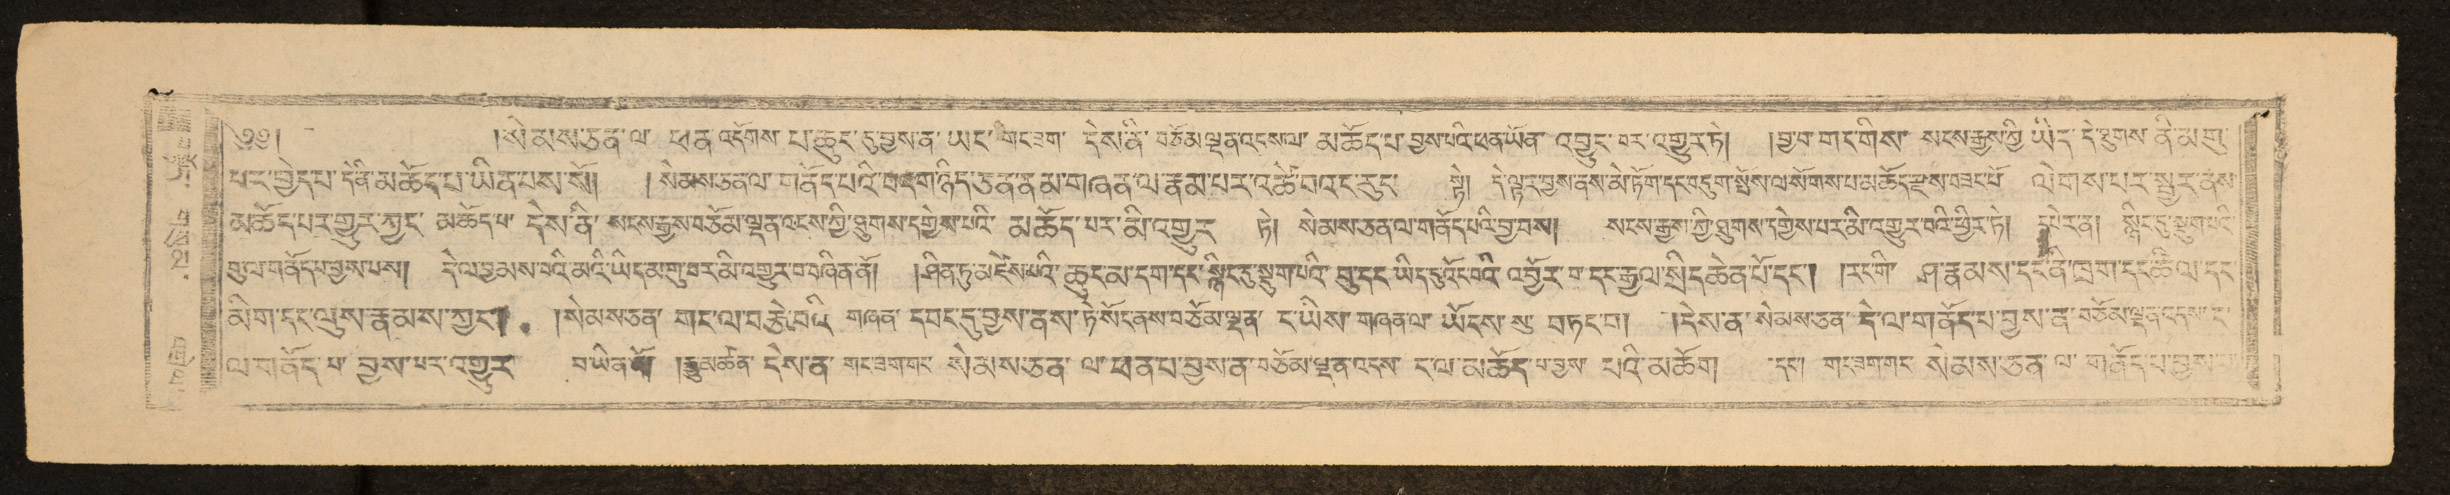༄༅། །སེམས་ཅན་ལ་ཕན་འདོགས་པ་ཆུང་དུ་བྱས་ན་ཡང་གང་ཟག་དེས་ནི་བཅོམ་ལྡན་འདས་ལ་མཆོད་པ་བྱས་པའི་ཕན་ཡོན་འབྱུང་བར་འགྱུར་ཏེ། །བྱ་བ་གང་གིས་སངས་རྒྱས་ཀྱི་ཡིད་དེ་ཐུགས་ནི་མགུ་
བར་བྱེད་པ་དེ་ནི་མཆོད་པ་ཡིན་པས་སོ། །སེམས་ཅན་ལ་གནོད་པའི་བདག་ཉིད་ཅན་ནམ་གཞན་ལ་རྣམ་པར་འཚེ་བའང་རུང་སྟེ། དེ་ལྟར་བྱས་ནས་མེ་ཏོག་དང་བདུག་སྤོས་ལ་སོགས་པ་མཆོད་རྫས་བཟང་པོ་ལེགས་པར་སྦྱར་ནས་
མཆོད་པར་གྱུར་ཀྱང་མཆོད་པ་དེས་ནི་སངས་རྒྱས་བཅོམ་ལྡན་འདས་ཀྱི་ཐུགས་དགྱེས་པའི་མཆོད་པར་མི་འགྱུར་ཏེ། སེམས་ཅན་ལ་གནོད་པའི་བྱ་བས། སངས་རྒྱས་ཀྱི་ཐུགས་དགྱེས་པར་མི་འགྱུར་བའི་ཕྱིར་ཏེ། དཔེར་ན། སྙིང་དུ་སྡུག་པའི་
བུ་ལ་གནོད་པ་བྱས་པས། དེ་ལ་བྱམས་པའི་མའི་ཡིད་མགུ་བར་མི་འགྱུར་བ་བཞིན་ནོ། །ཤིན་ཏུ་མཛེས་པའི་ཆུང་མ་དག་དང་སྙིང་དུ་སྡུག་པའི་བུ་དང་ཡིད་དུ་འོང་བའི་འབྱོར་པ་དང་རྒྱལ་སྲིད་ཆེན་པོ་དང་། །རང་གི་ཤ་རྣམས་དང་ནི་ཁྲག་དང་ཚིལ་དང་
མིག་དང་ལུས་རྣམས་ཀྱང་། །སེམས་ཅན་གང་ལ་བརྩེ་བའི་གཞན་དབང་དུ་བྱས་ནས་ཏེ་སོང་ནས་བཅོམ་ལྡན་ང་ཡིས་གཞན་ལ་ཡོངས་སུ་བཏང་བ། །དེས་ན་སེམས་ཅན་དེ་ལ་གནོད་པ་བྱས་ན་བཅོམ་ལྡན་འདས་ང་
ལ་གནོད་པ་བྱས་པར་འགྱུར་བ་ཡིན་ནོ། །རྒྱུ་མཚན་དེས་ན་གང་ཟག་གང་སེམས་ཅན་ལ་ཕན་པ་བྱས་ན་བཅོམ་ལྡན་འདས་ང་ལ་མཆོད་པ་བྱས་པའི་མཆོག་དང་། གང་ཟག་གང་སེམས་ཅན་ལ་གནོད་པ་བྱས་པ་